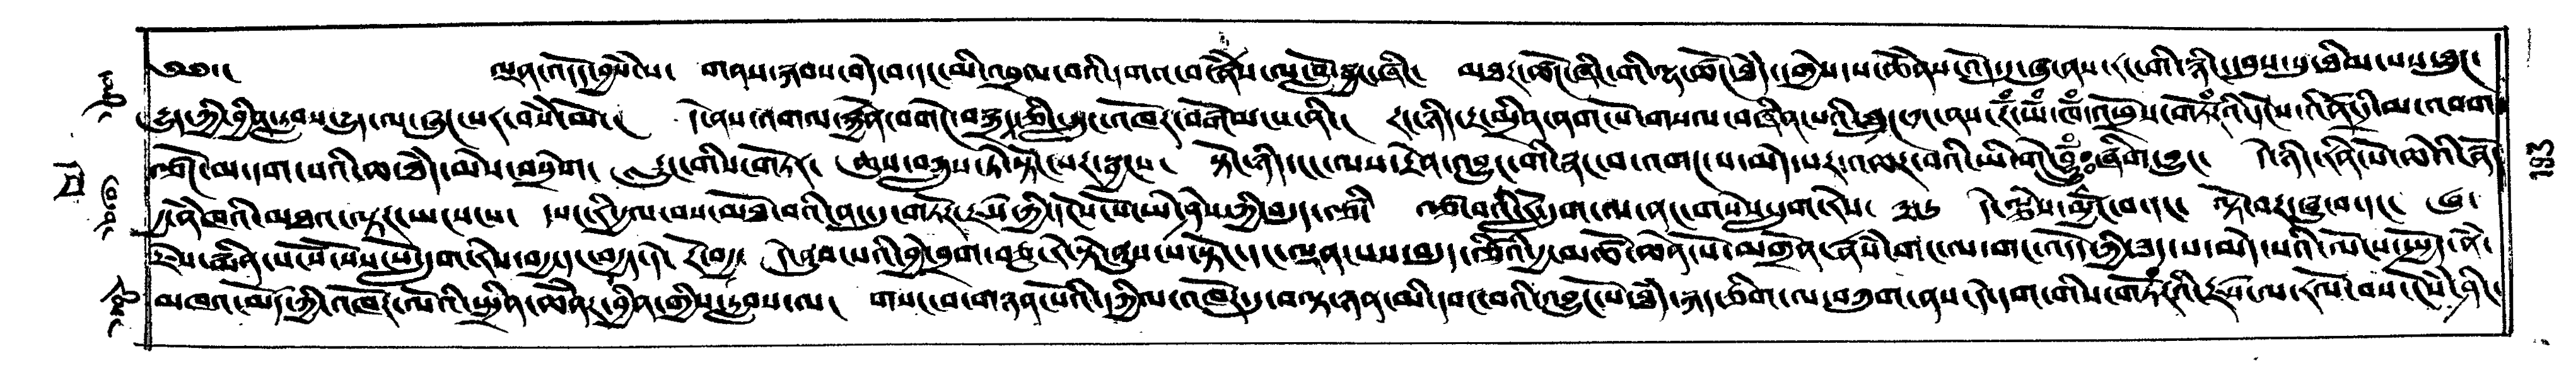ལྡན་འདོད་བྱམསཔ། གནས་སྐབས་བདེ་བ་དང་མི་འབྲལ་བའི་དགའ་བ་རྣམས་ལ་བློ་སྦྱང་ཞིང་། མཐར་ཚོགས་ཞིང་གི་ལྷ་ཚོགས་ཐམས་ཅད་དགྱེས་པ་ཆེན་པོས་འོད་དུ་ཞུ་ནས་རང་གི་སྙིང་དབུས་སུ་ཐིམ་པས་ཐུགས་
རྒྱུད་ཀྱི་བྱིན་རླབས་རྒྱུད་ལ་ཞུགས་པར་བསམ་མོ།། དེ་ནས་འགལ་རྐྱེན་བགེགས་བསྐྲད་ཅིང་སྲུང་འཁོར་བསྒོམ་པ་ནི། རང་ཉིད་རྟ་མགྲིན་ནག་པོར་གསལ་བཞིན་པའི་ཐུགས་ཀ་ནས་རྃ་ཡྃ་ཁྃ་འཕྲོས། གཏོར་མའི་དངོས་འཛིན་དྲི་མ་འབག་
རྩོག་མ་དག་པའི་ཆ་ཐམས་ཅད་མེས་བསྲེགས། རླུང་གིས་གཏོར། ཆུས་བཀྲུས་ཏེ་སྟོང་པར་སྦྱངས། སྟོང་ཉིད་ངང་ལས་རྟེན་འབྱུང་གི་སྣང་བ་འགག་པ་མེད་པར་འཆར་པའི་ཡི་གེ་བྷྲུྃ་ཞིག་བྱུང་། དེ་ཉིད་རིན་པོ་ཆེའི་སྣོད་
རྒྱ་ནམ་མཁའི་མཐའ་ལྟར་ཡངས་པ། དཔང་རི་རྒྱལ་བས་མཐོ་བའི་ནང་དུ་གཏོར་རྫས་ཀྱི་དངོས་པོ་ཡེ་ཤེས་ཀྱི་བདུད་རྩི་རྩ་བའི་རོ་དྲུག་ལ་ནང་གསཻས་དྲུག་རེས་སུམ་ཅུ་སོ་དྲུག་ཏེ་ལྕེས་མྱོང་བ་དང་། ལྟེ་བར་ཞུ་བ་དང་། ཞུ་
རྗེས་སྨིན་པ། སོ་སོར་སོ་དྲུག་རེས་བརྒྱ་དང་བརྒྱད་དེ་རོ་བརྒྱ། དེར་ནུས་པའི་བྱེ་བྲག་བཅུ་རེ་སྟེ་ནུས་པ་སྟོང་དང་ལྡན་པ་བདུད་རྩིའི་རྒྱ་མཚོ་ཆེན་པོ་མགྲོན་རྣམས་གང་ལ་གང་འདོད་ཀྱི་ཟད་པ་མེད་པའི་ལོངས་སྤྱོད་ནམ་
མཁའ་མཛོད་ཀྱི་འཁོར་ལོའི་སྤྲིན་ཆེན་པོར་བྱིན་གྱིས་བརླབས་ལ། གསང་བ་གཉན་པོའི་དཀྱིལ་འཁོར་དུ་བལྟ་ཉན་མི་དབང་བའི་འབྱུང་པོ་ཐམས་ཅད་སྐད་ཅིག་ལ་བཀུག་ནས་དེ་དག་གིས་གཏོར་མའི་རྫས་ལ་རོལ་བས་ངོམས་ཤིང་